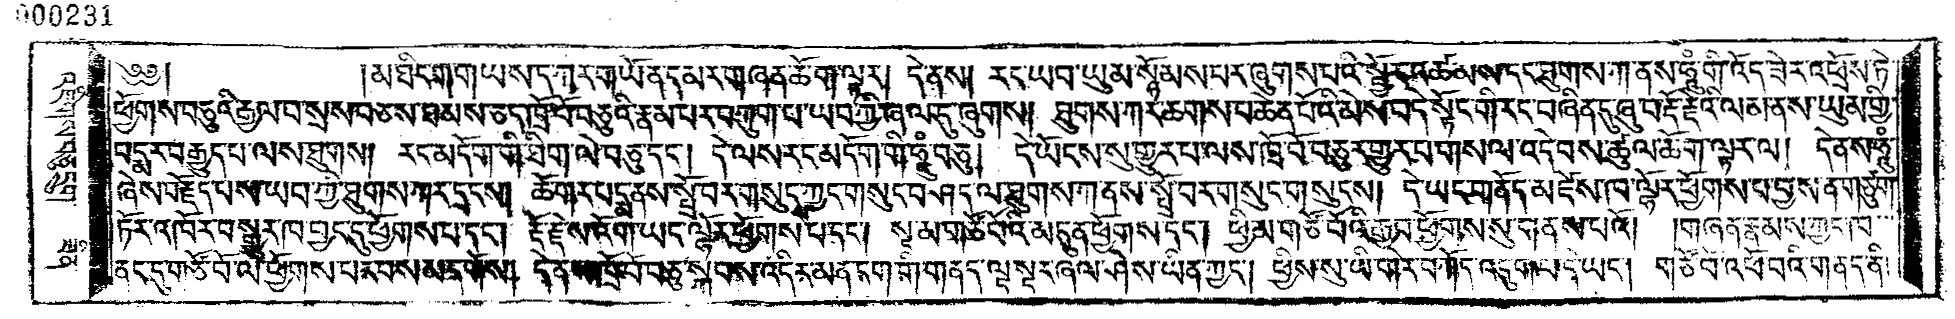༄༅། །མཐིང་ག་གཡས་དཀར་གཡོན་དམར་གཞན་ཆོ་ག་ལྟར། དེ་ནས། རང་ཡབ་ཡུམ་སྙོམས་པར་ཞུགས་པའི་སྦྱོར་འཚམས་དང་ཐུགས་ཀ་ནས་ཧཱུཾ་གི་འོད་ཟེར་འཕྲོས་ཏེ་
ཕྱོགས་བཅུའི་རྒྱལ་བ་སྲས་བཅས་ཐམས་ཅད་ཁྲོ་བོ་བཅུའི་རྣམ་པར་བཀུག་པ་ཡབ་ཀྱི་ཞལ་དུ་ཞུགས། ཐུགས་ཀར་ཆགས་པ་ཆེན་པོའི་མེས་བདེ་སྟོང་གི་རང་བཞིན་དུ་ཞུ་བ་རྡོ་རྗེའི་ལམ་ནས་ཡུམ་གྱི་
པདམར་བརྒྱུད་པ་ལས་ཐུགས། རང་མདོག་གི་ཐིག་ལེ་བཅུ་དང་། དེ་ལས་རང་མདོག་གི་ཧཱུཾ་བཅུ། དེ་ཡོངས་སུ་གྱུར་པ་ལས་ཁྲོ་བོ་བཅུར་གྱུར་པ་གསལ་འདེབས་ཚུལ་ཆོ་ག་ལྟར་ལ། དེ་ནས་ཧཱུཾ་
ཞེས་བརྗོད་པས་ཡབ་ཀྱི་ཐུགས་ཀར་དྲངས། ཆོ་གར་པདམ་ནས་སྤྲོ་བར་གསུངས་ཀྱང་གསུང་བཤད་ལ་ཐུགས་ཀ་ནས་སྤྲོ་བར་གསུང་གསུངས། དེ་ཡང་གནོད་མཛེས་ཁ་ལྷོར་ཕྱོགས་པ་བྱས་ན་གཙུག་
ཏོར་འཁོར་བསྒྱུར་ཁ་བྱང་དུ་ཕྱོགས་པ་དང་། རྡོ་རྗེས་འོག་ཡང་ལྷོར་ཕྱོགས་པ་དང་། སྔ་མ་གཙོ་བོའི་མདུན་ཕྱོགས་དང་། ཕྱི་མ་གཙོ་བོའི་རྒྱབ་ཕྱོགས་སུ་གནས་པའོ། །གཞན་རྣམས་ཀྱང་ཁ་
ནང་དུ་གཙོ་བོ་ལ་ཕྱོགས་པར་བསམ་དགོས། དེ་ནས་ཁྲོ་བོ་བཅུ་སྐབས་འདིར་མན་ངག་གི་གནད་ལྔ་སྔར་ཞལ་ཤེས་ཡིན་ཀྱང་། ཕྱིས་སུ་ཡི་གེར་བཀོད་འདུག་པ་དེ་ཡང་། གཙོ་བོ་འཕོ་བའི་གནད་ནི།